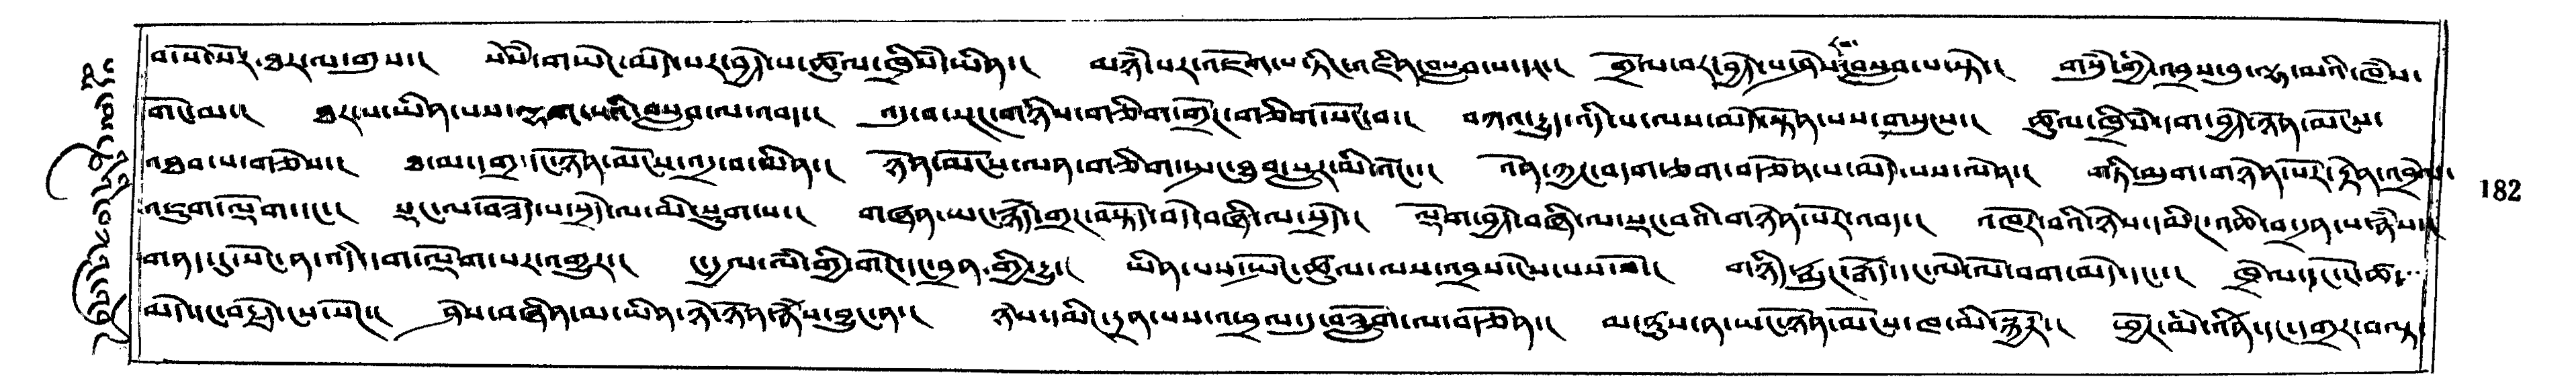བ་སོ་སོར་ཐར་ལ་གུས། །སེམས་གཡེང་མེད་པར་བྱེད་པ་ཚུལ་ཁྲིམས་ཡིན། །མཉམ་པར་འཇོག་པ་ཏིང་འཛིན་བསླབ་པ་དང་། །གྲོལ་བར་བྱེད་པ་ཤེས་རབ་བསླབ་པ་སྟེ། །གསུམ་གྱི་འབྲས་བུ་ལྷ་མའི་ཁམས་
གོང་མ། །ཐར་པ་ཡིན་པས་ལྷག་པའི་བསླབ་ལ་འབད། །འདུ་བ་སྔགས་གཉིས་གཅིག་གྲོགས་གཅིག་ལོ་བ། །བཀའ་རྒྱུད་འདི་པ་ལས་མེད་སྟོན་པས་གསུངས། །ཚུལ་ཁྲིམས་དག་བྱེད་ཉོན་མོངས་
འཐབ་པ་གཅེས། །ཐ་མ་དགྲ་དང་ཉོན་མོངས་འདྲ་བ་མིན། །ཉོན་མོངས་ལན་གཅིག་སྤང་ཐུབ་སླར་མི་འོང་། །འོན་ཀྱང་བདག་ཅག་བརྩོན་པ་མེད་པས་ལེན། །གཏི་མུག་གཉེན་པོར་རྟེན་འབྲེལ་
འཇུག་ལྡོག་དང་། །སྡང་ལ་བཟོད་པ་སྲེད་ལ་མི་སྡུག་པ། །གཞན་ཡང་རྙེད་གྲགས་བསྟོད་བདེ་བཞི་ལ་སྲེད། །ལྡོག་བྱེད་བཞི་ལ་སྡང་བའི་གཉེན་པོར་འབད། །འཁོར་བའི་ཉེས་དམིགས་འཆི་བ་དྲན་པ་རྣམས། །
གནད་དུ་སོང་ན་འདི་དག་ལྡོག་པར་འགྱུར། །ང་རྒྱལ་ལམ་གྱི་གེགས་དང་བྲན་གྱི་རྒྱུ། །ཡིན་པས་སྤོང་ཚུལ་ལས་འབྲས་ངེས་པས་སོ། །གཉིད་རྨུགས་རྒོད་དང་ལེ་ལོ་བག་མཻད་དང་། །ཁྲེལ་དང་ངོ་ཚ་
མེད་དང་བརྗེད་ངས་སོགས། །ཤེས་བཞིན་མ་ཡིན་ཉེ་ཉོན་རྣམས་བྱུང་ན། །ཉེས་དམིགས་དྲན་པས་འཕྲལ་དུ་བཟློག་ལ་བརྩོན། །མ་ནུས་ན་ཡང་ཉོན་མོངས་ཁ་མི་སྐྱོར། །ཕྱོགས་མི་འཛིན་དང་དགྲར་བལྟ་